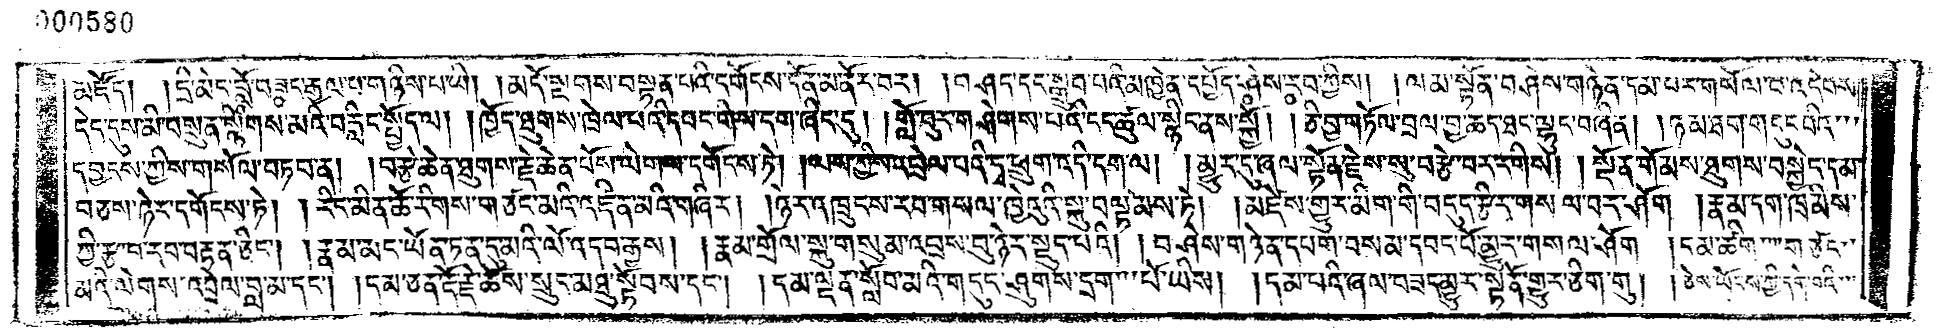མཛོད། །དྲི་མེད་བློ྾་བཟང྾་རྒྱལ་བ་གཉིས་པ་ཡི། །མདོ་སྔགས་བསྟན་པའི་དགོངས་དོན་མ་ནོར་བར། །བཤད་དང་སྒྲུབ་པའི་མཁྱེན་དཔྱོད་ཤེས྾་རབ྾་ཀྱིས། །ལམ་སྟོན་བཤེས་གཉེན་དམ་པར་གསོལ་བ་འདེབས། །
དེང་དུས་མི་བསྲུན་སྙིགས་མའི་བརླིང་སྤྱོད་ལ། །ཁྱོད་ཐུགས་ཁྲེལ་པའི་དབང་གིས་དག་ཞིང་དུ། །གློ་བུར་གཤེགས་པའི་ངང་ཚུལ་སྙིང་ནས་སྐྱོ། །ཅི་བྱ་གཏོལ་བྲལ་བྱ་ཆད་ཐང་ལྷུང་བཞིན། །ཉམ་ཐག་གདུང་བའི་
དབྱངས་ཀྱིས་གསོལ་བཏབ་ན། །བརྩེ་ཆེན་ཐུགས་རྗེ་ཆེན་པོས་ལེགས་དགོངས་ཏེ། །ལས་ཀྱིས་འབྲེལ་བའི་དྭ་ཕྲུག་འདི་དག་ལ། །མྱུར་དུ་ཞལ་སྟོན་རྗེས་སུ་བརྩེ་བར་རིགས། །སྔོན་གོམས་ཐུགས་བསྐྱེད་དམ་
བཅས་ཉེར་དགོངས་ཏེ། །རིང་མིན་ཆོ་རིགས་གཙང་མའི་འཛིན་མའི་གཞིར། །ཉེར་འཁྲུངས་རབ་གསལ་ཁྱེའུའི་སྐུ་བལྟམས་ཏེ། །མཛེས་གྱུར་མིག་གི་བདུད་རྩིར་གསལ་བར་ཤོག །རྣམ་དག་ཁྲིམས་
ཀྱི་རྩ་བ་རབ་བརྟན་ཅིང་། །རྣམ་མང་ཡོན་ཏན་དུ་མའི་ལོ་འདབ་རྒྱས། །རྣམ་གྲོལ་སྐུ་གསུམ་འབྲས་བུ་ཉེར་སྡུད་པའི། །བཤེས་གཉེན་དཔག་བསམ་དབང་པོ་མྱུར་གསལ་ཤོག །དམ་ཚིག་གཙང་
མའི་ལེགས་འབྲེལ་བླ་མ་དང་། །དམ་ཅན་རྡོ་རྗེ་ཆོས་སྲུང་མཐུ་སྟོབས་དང་། །དམ་ལྡན་སློབ་མའི་གདུང་ཤུགས་དྲག་པོ་ཡིས། །དམ་པའི་ཞལ་བཟང་མྱུར་སྟོན་གྱུར་ཅིག་གུ །ཅེས་ཡོངས་ཀྱི་དགེ་བའི་